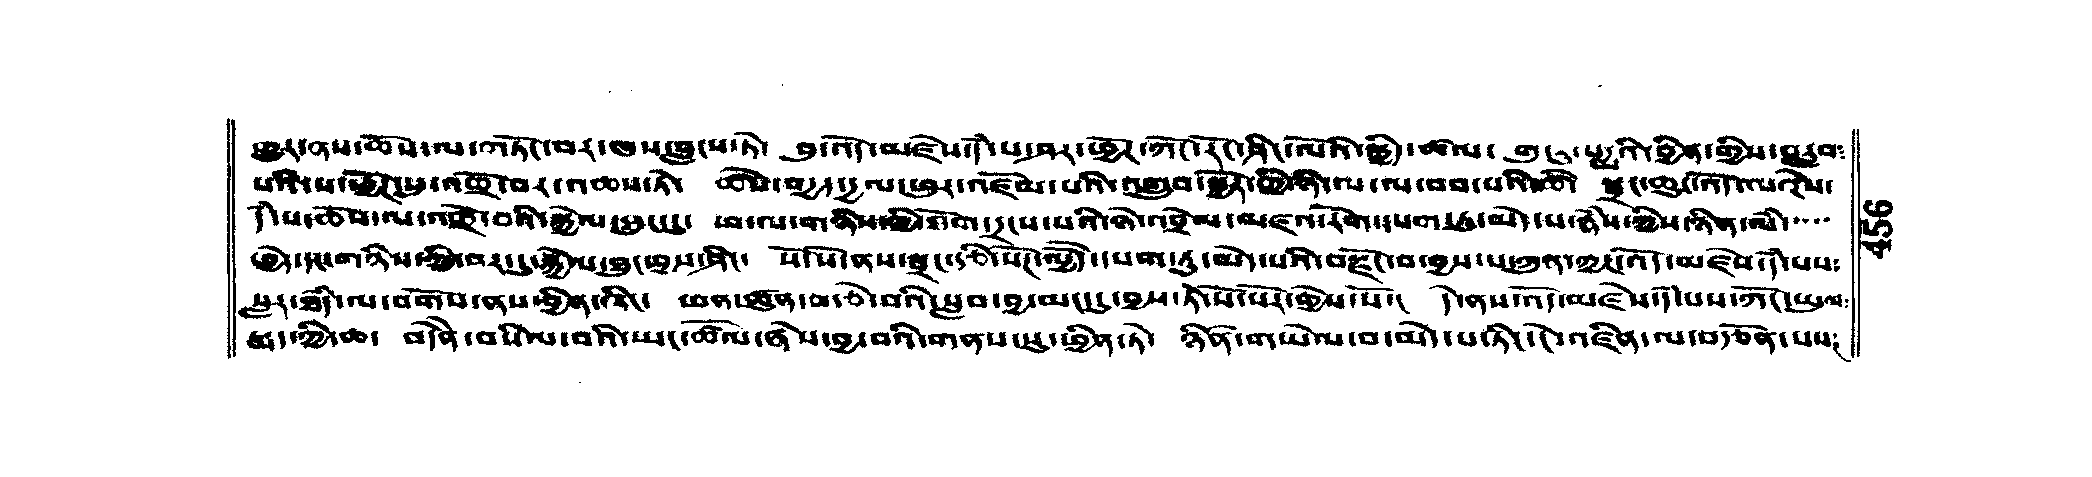གྱུར་ནས་ཆོས་ལ་གཏོང་བར་ཁས་བླངས་ཏེ། བུ་འོད་མཛེས་དམ་པ་ཤར་ཕྱོགས་ཀོང་རོང་ཤིང་ལོའི་སྐྱེད་ཚལ། གུ་རུ་པདྨའི་བྱིན་གྱིས་བརླབས་
པའི་ས་ཕྱོགས་སུ་འགྲོ་བར་འཆས་ཏེ། ཚེས་བརྒྱད་རྒྱལ་ཕུར་འཛོམ་པའི་འགྲུབ་སྦྱོར་གྱི་ཉི་མ་ལ་བབ་པའི་ཚེ། སྦྲང་ཆུང་འོད་མཛེས་
དམ་པ་ཆོས་ལ་འགྲོ་བའི་སྐྱེལ་ཐུང་དུ། ཕ་མ་གཉིས་ཀྱི་ཐོག་དྲངས་པའི་ཉེ་འབྲེལ་མཛའ་རོགས་དཔག་ཏུ་མེད་པ་རྣམས་ཀྱིས་ཉིན་ལམ་
ཕྱེད་དང་གཉིས་ཀྱི་བར་དུ་སྐྱེལ་ཐུང་བྱས་ཤིང་། སོ་སོ་ནས་སྦྲང་རྩི་སོགས་ལོངས་སྤྱོད་དཔག་ཏུ་མེད་པའི་བརྫོང་བ་བྱས་པ་ཀུན་ཀྱང་འོད་མཛེས་དམ་པས་
སླར་ཐམས་ཅད་ལ་བགོས་ནས་བྱིན་ཞིང་། ཕན་ཚུན་བརྩེ་བའི་སླབ་བྱ་མང་དུ་བྱས་ཏེ་སོ་སོར་གྱེས་སོ།དེ་ནས་འོད་མཛེས་དམ་པས་ཀོང་ཡུལ་
སྨད་ཀྱི་ཆ། བདེ་ཆེན་བསིལ་བའི་ཡང་ཚལ་ཞེས་བྱ་བའི་གནས་སུ་ཕྱིན་ཏེ། ཉིན་མཚན་གཡེལ་བ་མེད་པར་ཏིང་ངེ་འཛིན་ལ་བརྩོན་པས་